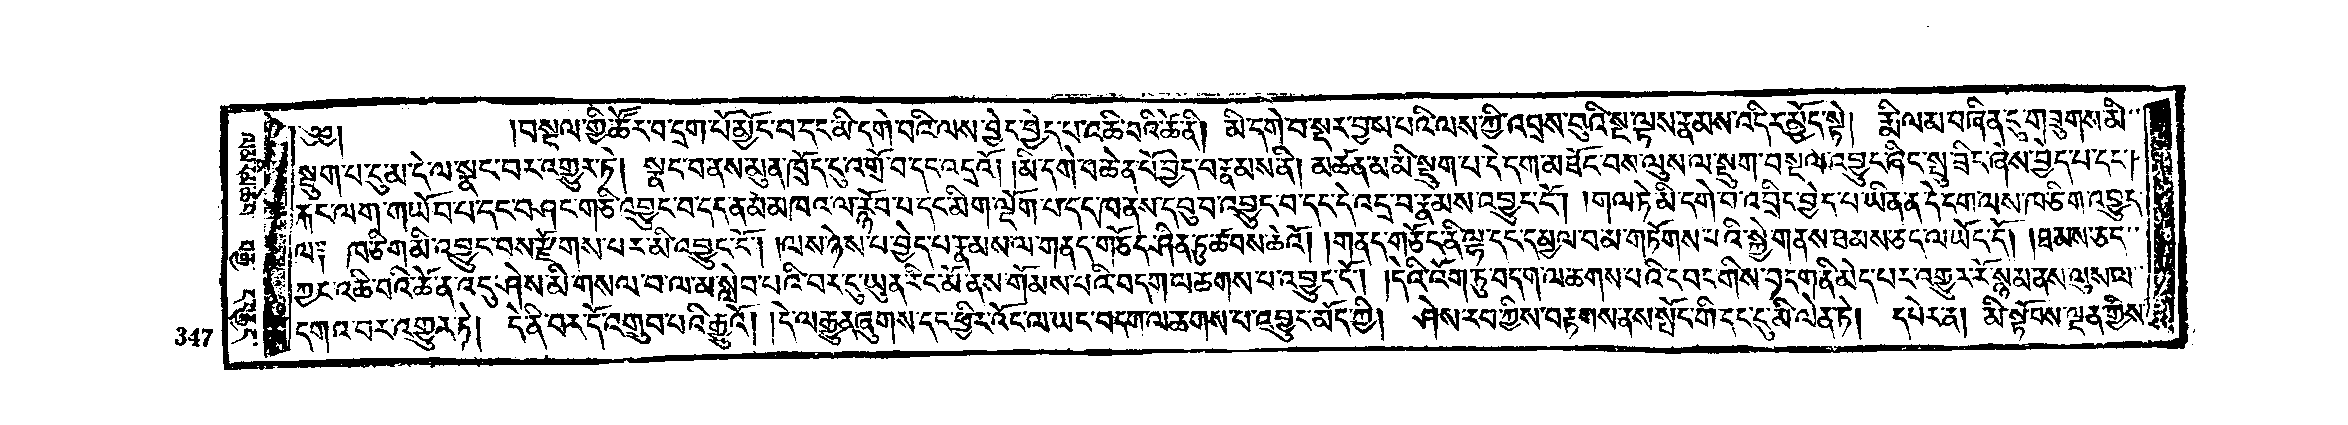༄༅། །བསྔལ་གྱི་ཚོར་བ་དྲག་པོ་མྱོང་བ་དང་མི་དགེ་བའི་ལས་བྱེད་བྱེད་པ་འཆི་བའི་ཚེ་ནི། མི་དགེ་བ་སྔར་བྱས་པའི་ལས་ཀྱི་འབྲས་བུའི་སྔ་ལྟས་རྣམས་འདིར་མྱོང་སྟེ། རྨི་ལམ་བཞིན་དུ་གཟུགས་མི་
སྡུག་པ་དུ་མ་དེ་ལ་སྣང་བར་འགྱུར་ཏེ། སྣང་བ་ནས་མུན་ཁྲོད་དུ་འགྲོ་བ་དང་འདྲའོ། །མི་དགེ་བ་ཆེན་པོ་བྱེད་པ་རྣམས་ནི། མཚན་མ་མི་སྡུག་པ་དེ་དག་མཐོང་བས་ལུས་ལ་སྡུག་བསྔལ་འབྱུང་ཞིང་སྤུ་ཟིང་ཞེས་བྱེད་པ་དང་།
རྐང་ལག་གཡོབ་པ་དང་བཤང་གཅི་འབྱུང་བ་དང་ནམ་མཁའ་ལ་རྙོབ་པ་དང་མིག་ལྡོག་པ་དང་ཁ་ནས་དབུ་བ་འབྱུང་བ་དང་དེ་འདྲ་བ་རྣམས་འབྱུང་ངོ། །གལ་ཏེ་མི་དགེ་བ་འབྲིང་བྱེད་པ་ཡིན་ན་དེ་དག་ལས་ཁ་ཅིག་འབྱུང་
ལ༑ ཁ་ཅིག་མི་འབྱུང་བས་རྫོགས་པར་མི་འབྱུང་ངོ། །ལས་ཉེས་པ་བྱེད་པ་རྣམས་ལ་གནད་གཅོད་ཤིན་ཏུ་ཚབས་ཆེའོ། །གནད་གཅོད་ནི་ལྷ་དང་དམྱལ་བ་མ་གཏོགས་པའི་སྐྱེ་གནས་ཐམས་ཅད་ལ་ཡོད་དོ། །ཐམས་ཅད་
ཀྱང་འཆི་བའི་ཚེ་ན་འདུ་ཤེས་མི་གསལ་བ་ལ་མ་སླེབ་པའི་བར་དུ་ཡུན་རིང་མོ་ནས་གོམས་པའི་བདག་ལ་ཆགས་པ་འབྱུང་ངོ། །དེའི་འོག་ཏུ་བདག་ལ་ཆགས་པའི་དབང་གིས་བདག་ནི་མེད་པར་འགྱུར་རོ་སྙམ་ནས་ལུས་ལ་
དགའ་བར་འགྱུར་ཏེ། དེ་ནི་བར་དོ་འགྲུབ་པའི་རྒྱུའོ། །དེ་ལ་རྒྱུན་ཞུགས་དང་ཕྱིར་འོང་ལ་ཡང་བདག་ལ་ཆགས་པ་འབྱུང་མོད་ཀྱི། ཤེས་རབ་ཀྱིས་བརྟགས་ནས་སྤོང་གི་དང་དུ་མི་ལེན་ཏེ། དཔེར་ན། མི་སྟོབས་ལྡན་གྱིས་